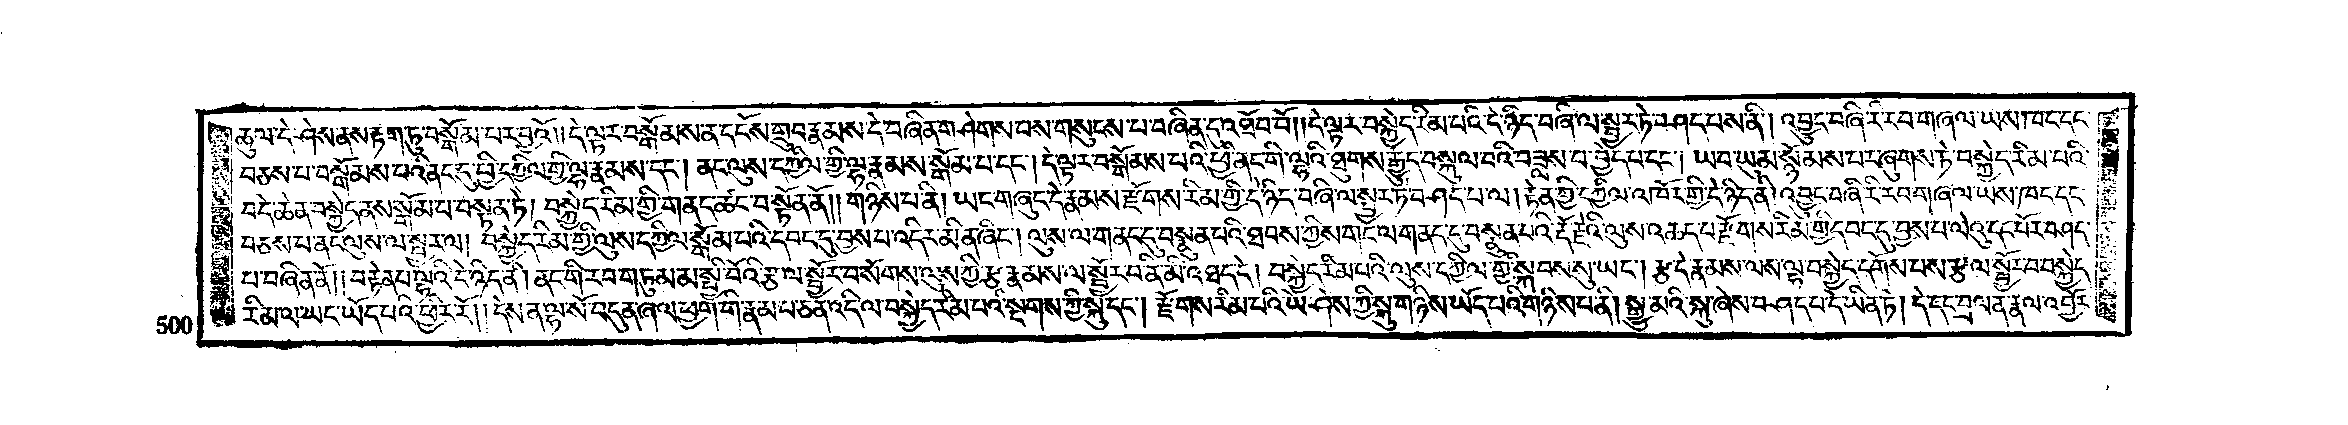ཚུལ་དེ་ཤེས་ནས་རྟག་ཏུ་བསྒོམ་པར་བྱའོ། །དེ་ལྟར་བསྒོམས་ན་དངོས་གྲུབ་རྣམས་དེ་བཞིན་གཤེགས་པས་གསུངས་པ་བཞིན་དུ་འཐོབ་བོ། །དེ་ལྟར་བསྐྱེད་རིམ་པའི་དེ་ཉིད་བཞི་ལ་སྦྱར་ཏེ་བཤད་པས་ནི། འབྱུང་བཞི་རི་རབ་གཞལ་ཡས་ཁང་དང་
བཅས་པ་བསྒོམས་པའི་ནང་དུ་ཕྱི་དཀྱིལ་གྱི་ལྷ་རྣམས་དང་། ནང་ལུས་དཀྱིལ་གྱི་ལྷ་རྣམས་སྒོམ་པ་དང་། དེ་ལྟར་བསྒོམས་པའི་ཕྱི་ནང་གི་ལྷའི་ཐུགས་རྒྱུད་བསྐུལ་བའི་བཟླས་པ་བྱེད་པ་དང་། ཡང་ཡུམ་སྙོམས་པར་ཞུགས་ཏེ་བསྐྱེད་རིམ་པའི་
བདེ་ཆེན་བསྐྱེད་ནས་སྒོམ་པ་བསྟན་ཏེ། བསྐྱེད་རིམ་གྱི་གནད་ཚང་བ་སྟོན་ནོ། །གཉིས་པ་ནི། ཡང་གཞུང་དེ་རྣམས་རྫོགས་རིམ་གྱི་དེ་ཉིད་བཞི་ལ་སྦྱར་ཏེ་བཤད་པ་ལ། རྟེན་གྱི་དཀྱིལ་འཁོར་གྱི་དེ་ཉིད་ནི། འབྱུང་བཞི་རི་རབ་གཞལ་ཡས་ཁང་དང་
བཅས་པ་ནང་ལུས་ལ་སྦྱར་ལ། བསྐྱེད་རིམ་གྱི་ལུས་དཀྱིལ་སྒོམ་པའི་དབང་དུ་བྱས་པ་འདིར་མིན་ཞིང་། ལུས་ལ་གནང་དུ་བསྣུན་པའི་ཐབས་ཀྱིས་གང་ལ་གནད་དུ་བསྣུན་པའི་རྡོ་རྗེའི་ལུས་འཆད་པ་རྫོགས་རིམ་གྱི་དབང་དུ་བྱས་པ་ལེའུ་དང་པོར་བཤད་
པ་བཞིན་ནོ། །བརྟེན་པ་ལྷའི་དེ་ཉིད་ནི། ནང་གི་རབ་གཏུམ་མ་སྤྱི་བོའི་རྩ་ལ་སྦྱོར་བ་སོགས་ལུས་ཀྱི་རྩ་རྣམས་ལ་སྦྱོར་བ་ནི་མི་འཐད་དེ། བསྐྱེད་རིམ་པའི་ལུས་དཀྱིལ་གྱི་སྐབས་སུ་ཡང་། རྩ་དེ་རྣམས་ལས་ལྷ་བསྐྱེད་དགོས་པས་རྩལ་སྦྱོར་བ་བསྐྱེད་
རིམ་ལ་ཡང་ཡོད་པའི་ཕྱིར་རོ། །དེས་ན་ལྷ་སོ་བདུན་ཞལ་ཕྱག་གི་རྣམ་པ་ཅན་འདི་ལ་བསྐྱེད་རིམ་པའི་སྔགས་ཀྱི་སྐུ་དང་། རྫོགས་རིམ་པའི་ཡེ་ཤེས་ཀྱི་སྐུ་གཉིས་ཡོད་པའི་གཉིས་པ་ནི། སྒྱུ་མའི་སྐུ་ཞེས་བཤད་པ་དེ་ཡིན་ཏེ། དེ་དང་བྲལ་ན་རྣལ་འབྱོར་